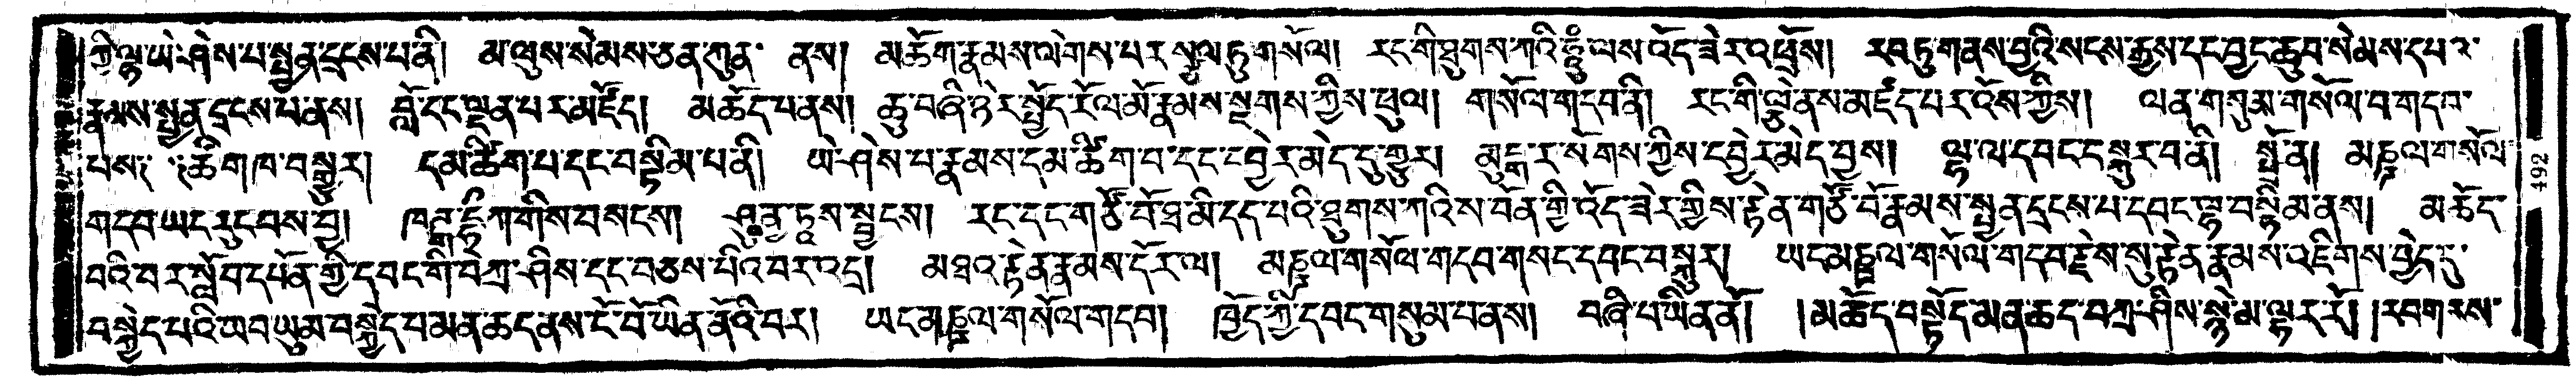ཀྱི་ལྷ་ཡེ་ཤེས་པ་སྤྱན་དྲངས་པ་ནི། མ་ལུས་སེམས་ཅན་ཀུན་ནས། མཆོག་རྣམས་ལེགས་པར་སྩལ་ཏུ་གསོལ། རང་གི་ཐུགས་ཀའི་ཧཱུཾ་ལས་འོད་ཟེར་འཕྲོས། རབ་ཏུ་གནས་བྱའི་སངས་རྒྱས་དང་བྱང་ཆུབ་སེམས་དཔའ་
རྣམས་སྤྱན་དྲངས་པ་ནས། བློ་དང་ལྡན་པར་མཛོད། མཆོད་པ་ནས། ཆུ་བཞི་ཉེར་སྤྱོད་རོལ་མོ་རྣམས་སྔགས་ཀྱིས་ཕུལ། གསོལ་གདབ་ནི། རང་གི་ལྕེ་ནས་མཛད་པར་འོས་ཀྱིས། ལན་གསུམ་གསོལ་བ་གདབ་
པས། །ཚིག་ཁ་བསྒྱུར། དམ་ཚིག་པ་དང་བསྟིམ་པ་ནི། ཡེ་ཤེས་པ་རྣམས་དམ་ཚིག་བ་དང་དབྱེར་མེད་དུ་གྱུར། མུངྒ་ར་སོགས་ཀྱིས་དབྱེར་མེད་བྱས། ལྷ་ལ་དབང་བསྐུར་བ་ནི། སྤྲོ་ན། མཎྜལ་གསོལ་
གདབ་ཡང་རུང་བས་བྱ། ཁཌྒ་དྷྲྀ་ཀ་གིས་བསངས། ཤུ་ནྱ་ཏཱས་སྦྱངས། རང་དང་གཙོ་བོ་ཐ་མི་དད་པའི་ཐུགས་ཀའི་ས་བོན་གྱི་འོད་ཟེར་གྱིས་རྟེན་གཙོ་བོ་རྣམས་སྤྱན་དྲངས་པ་དབང་ལྷ་བསྟིམ་ནས། མཆོད་
བའི་བར་སློབ་དཔོན་གྱི་དབང་གི་བཀྲ་ཤིས་དང་བཅས་པའི་བར་འདྲ། མཐའ་རྟེན་རྣམས་དོར་ལ། མཎྜལ་གསོལ་གདབ་གསང་དབང་བསྐུར། ཡང་མཎྜལ་གསོལ་གདབ་རྗེས་སུ་རྟེན་རྣམས་འཇིགས་བྱེད་དུ་
བསྐྱེད་པའི་ཡབ་ཡུམ་བསྐྱེད་པ་མན་ཆད་ནས་ངོ་བོ་ཡིན་ནོའི་བར། ཡང་མཎྜལ་གསོལ་གདབ། ཁྱོད་ཀྱི་དབང་གསུམ་པ་ནས། བཞི་པ་ཡིན་ནོ། །མཆོད་བསྟོད་མན་ཆད་བཀྲ་ཤིས་སྙེ་མ་ལྷར་རོ། །རབ་གནས་